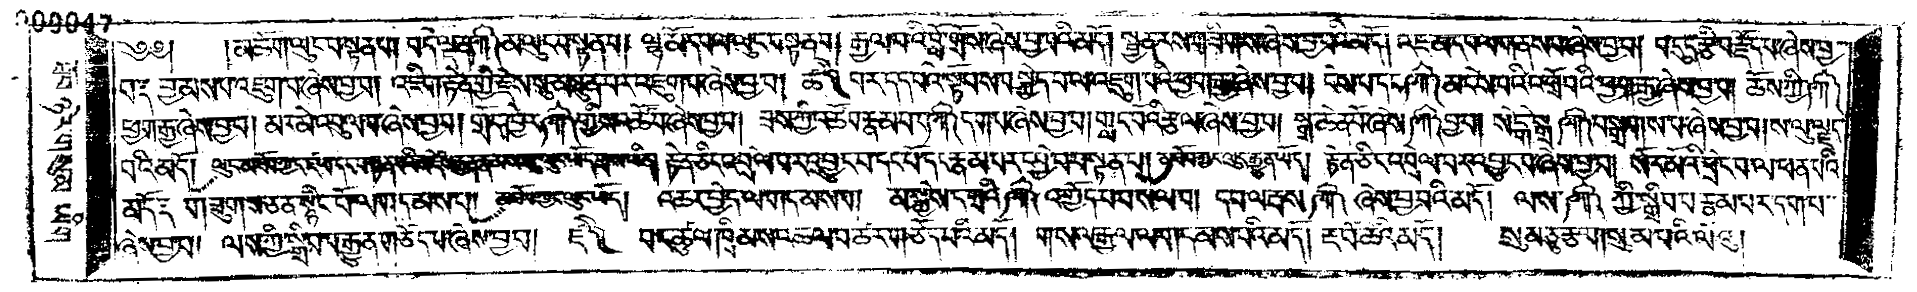༄༅། །མཆོག་ལུང་བསྟན་པ། བདེ་ལྡན ༼ཀ༽ མ་ལུང་བསྟན་པ། ལྷ་མོ་དཔལ་ལུང་བསྟན་པ། རྒྱལ་བའི་བློ་གྲོས་ཞེས་ཡ་བའི་མདོ། སྤྱན་རས་གཟིགས་ཞེས་བྱ་བའི་མདོ། འཇམ་དཔལ་གནས་པ་ཞེས་བྱ་བ། བདུད་རྩི་བརྗོད་པ་ཞེས་བྱ་
བ༑ བྱམས་པ་འཇུག་པ་ཞེས་བྱ་བ། འཇིག་རྟེན་གྱི་རྗེས་སུ་མཐུན་པར་འཇུག་པ་ཞེས་བྱ་བ། ཚ༼༽ པར་དད་པའི་སྟོབས་བསྐྱེད་པ་ལ་འཇུག་པའི་ཕྱག་རྒྱ་ཞེས་བྱ་བ། ངེས་པ་དང ༼ཀ༽ མ་ངེས་པའི་འགྲོ་བའི་ཕྱག་རྒྱ་ཞེས་བྱ་བ། ཆོས་ཀྱི ༼ཀ༽
ཕྱག་རྒྱ་ཞེས་བྱ་བ། མར་མེ་འབུལ་བ་ཞེས་བྱ་བ། གྲོང་ཁྱེར ༼ཀ༽ གྱིས་འཚོ་བ་ཞེས་བྱ་བ། ཟས་ཀྱི་འཚོ་བ་རྣམ་པར ༼ཀ༽ དག་པ་ཞེས་བྱ་བ། གླང་པོའི་རྩལ་ཞེས་བྱ་བ། སྒྲ་ཆེན་པོ་ཞེས ༼ཀ༽ བྱ་བ། སེངྒེ་སྒྲ ༼ཀ༽ བསྒྲགས་བ་ཞེས་བྱ་བ། ས་ལུ་ལྗང་
བའི་མདོ་ལུང་མ་ཐོབ་ཀྱང་ཛ་ཡ་དང་བསྟན་པའི་མཛེས་རྒྱན་རྣམས་སུ་ལུང་ཡོད་གྲས་ཡིན།  རྟེན་ཅིང་འབྲེལ་བར་འབྱུང་བ་དང་པོ་དང་རྣམ་པར་དབྱེ་བ་བསྟན་པ་མ་ཐོབ་ཀྱང་ལུང་རྒྱུན་ཡོད།  རྟེན་ཅིང་འབྲེལ་བར་འབྱུང་བ་ཞེས་བྱ་བ། སོར་མོའི་ཕྲེང་བ་ལ་ཕན་པའི་
མདོ༑ གཟུགས་ཅན་སྙིང་པོ་ལ་གདམས་པ་མ་ཐོབ་ཀྱང་ལུང་ཡོད།  འཆར་བྱེད་ལ་གདམས་པ། མ་སྐྱེས་དགྲའི ༼ཀ༽ འགྱོད་པ་བསལ་བ། དཔལ་རྦས ༼ཀ༽ ཞེས་བྱ་བའི་མདོ། ལས ༼ཀ༽ ཀྱི་སྒྲིབ་བ་རྣམ་པར་དག་པ་
ཞེས་བྱ་བ། ལས་ཀྱི་སྒྲིབ་པ་རྒྱུན་གཅོད་པ་ཞེས་བྱ་བ། ཛ༼༽ བར་ཚུལ་ཁྲིམས་འཆལ་བ་ཚར་གཅོད་པའི་མདོ། གསལ་རྒྱལ་ལ་གདམས་པའི་མདོ། དང་བོ་ཆེའི་མདོ། སུམ་ཅུ་རྩ་གསུམ་པའི་ལེའུ།